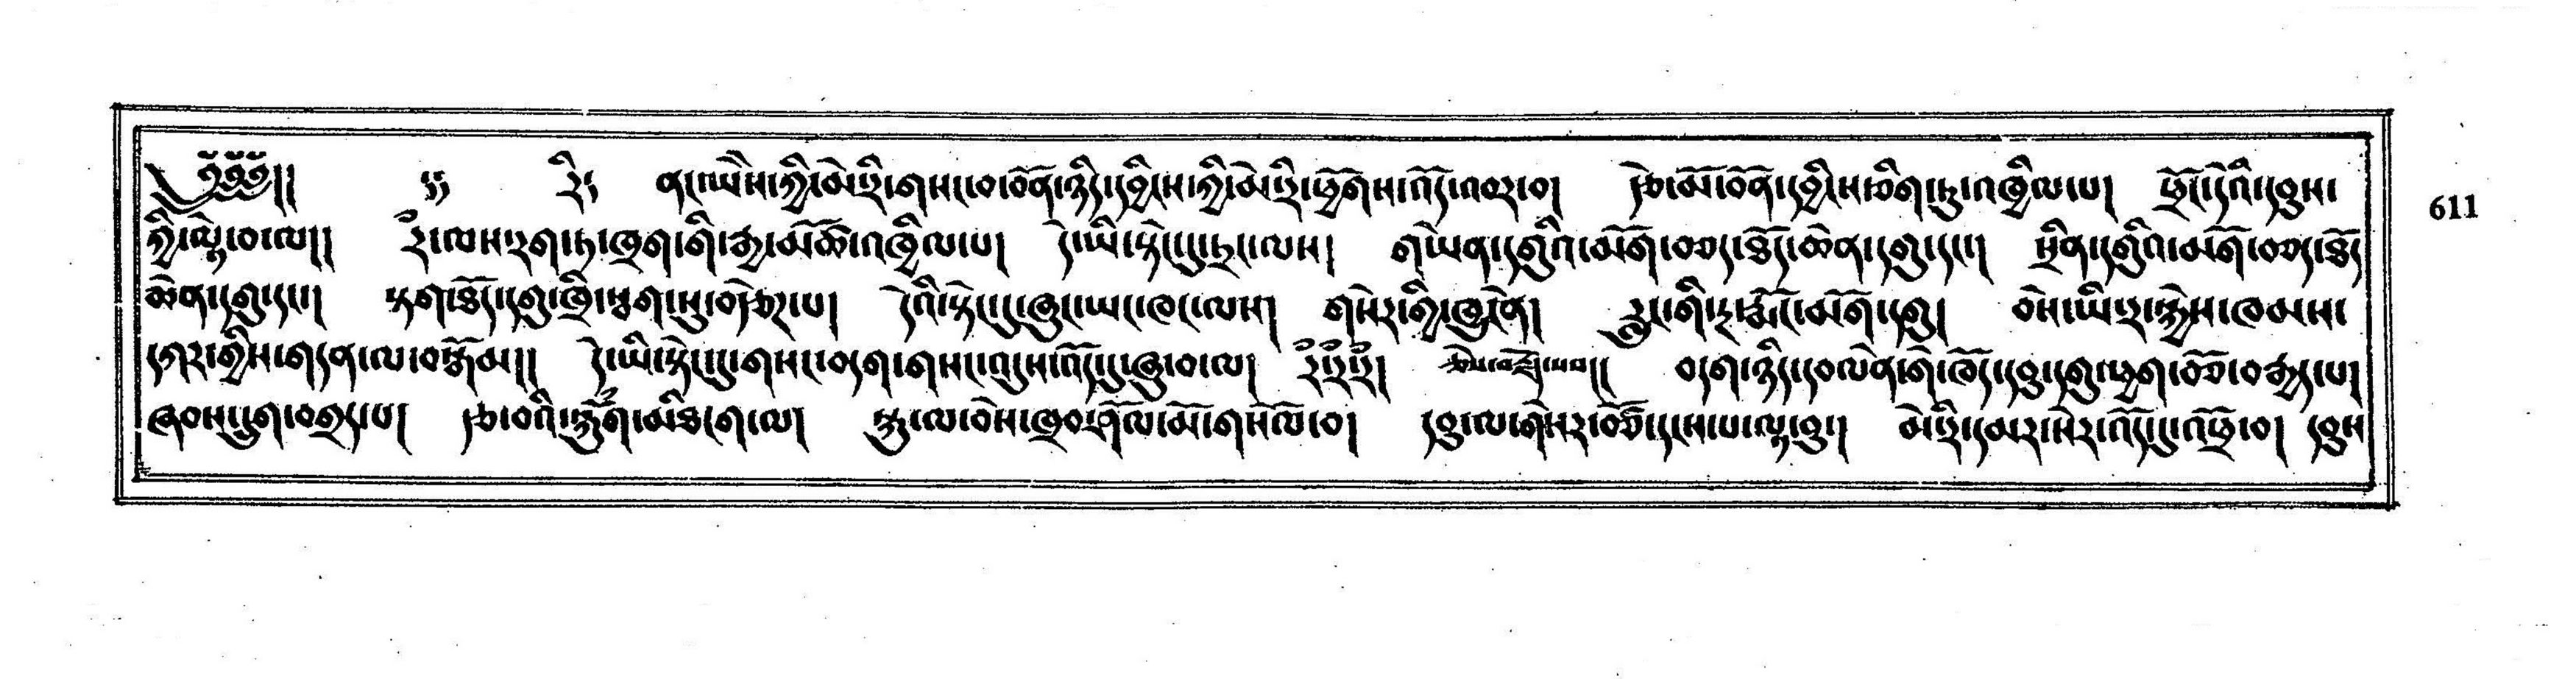རི། ནང་ཡེ་ཤེས་ཀྱི་མེ་རི་གསང་བ་བོན་ཉིད་དབྱིངས་ཀྱི་མེ་རི་ཕྱོགས་འོད་འབར་བ། རྩེ་མོ་བོན་དབྱིངས་ཅིག་ཏུ་འཁྱིལ་པ། ཕོ་བྲང་དེའི་དབུས་
ཀྱི་ལྟེ་བ་ལ།། རཾ་ལས་རག་ཏ་ཁྲག་གི་རྒྱ་མཚོ་འཁྱིལ་པ། དེ་ཡི་སྟེང་དུ་ཏྲང་ལས། གཡེན་དགུའི་མགོ་བཅད་ཐོད་ཆེན་དགུ་དང་། སྲིན་དགུའི་མགོ་བཅད་ཐོད་
ཆེན་དགུ་དང་། སྟག་ཐོད་དགུ་ཁྲི་སྦག་སུ་བརྩེགས་པ། དེའི་སྟེང་དུ་ཞུང་ཡང་ཁང་ལས། གསེར་གྱི་ཁྱུང་ཆེན། རླུང་གི་རྔ་རྨོང་མགོ་དགུ། བསེ་ཡི་ར་སྐྱེས་ཁམས་
དཀར་གྱིས་གདན་ལ་བསྒོམ།། དེ་ཡི་སྟེང་དུ་གསང་བདག་གསང་འདུས་འོད་དུ་ཞུ་བ་ལ། རཾ་རཾ་རཾ། ཅེས་བརྗོད་སབ།། བདག་ཉིད་དབལ་ཆེན་གེ་ཁོད་དབུ་དགུ་ཕྱག་བཅོ་བརྒྱད་པ། 
ཞབས་དྲུག་བགྲད་པ། རྩ་བའི་སྐུ་མདོག་མཐིང་ནག་ལ། སྐུ་ལ་བསེ་ཁྲབ་ཤོལ་མོ་གསོལ་བ། དབུ་ལ་གསེར་བཙོ་དངས་པ་ལྟ་བུ། མེ་རི་དམར་སེར་འོད་དུ་འཕྲོ་བ། དབུས་